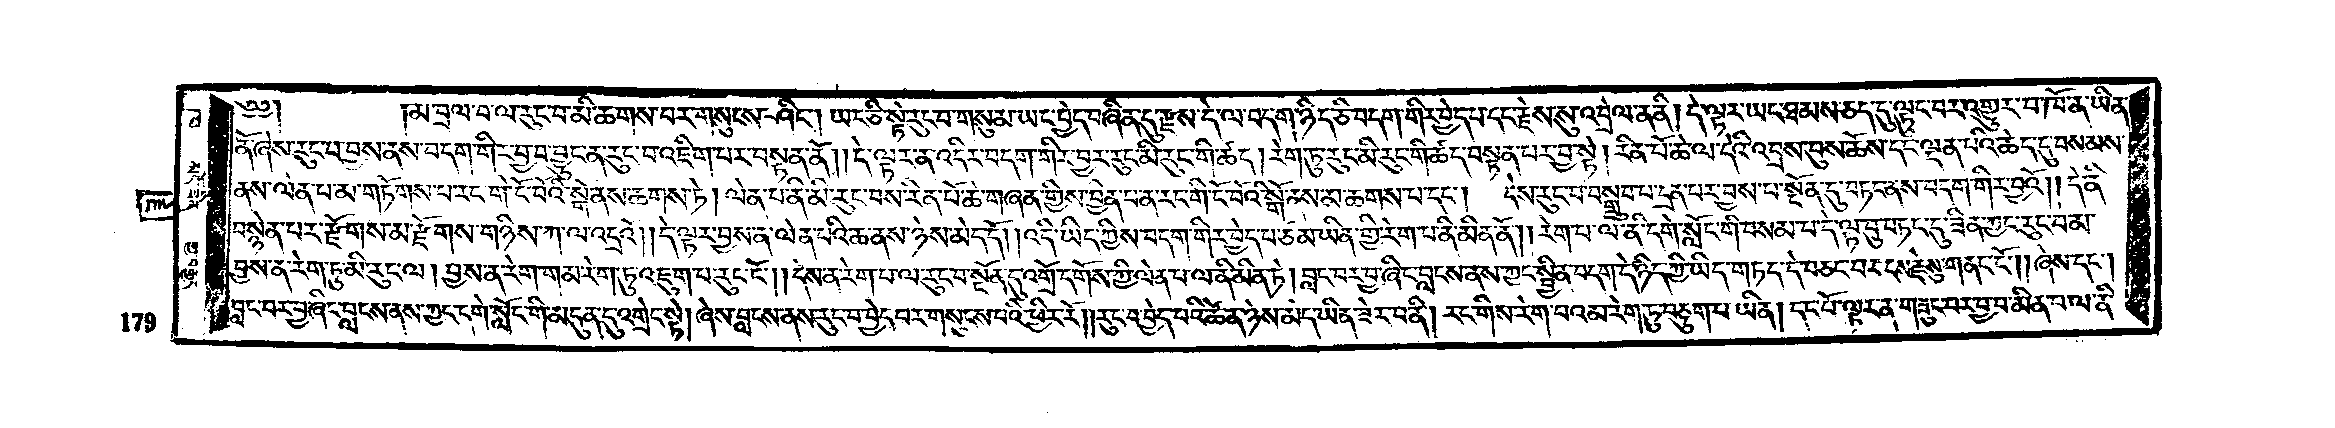༄༅། །མ་བྲལ་བ་ལ་རུང་བ་མི་ཆགས་པར་གསུངས་ཤིང་། ཡང་ཅི་སྟེ་རུང་བ་གསུམ་ཡང་བྱེད་བཞིན་དུ་རྫས་དེ་ལ་བདག་ཉིད་ཅི་བདག་གིར་བྱེད་པ་དང་རྗེས་སུ་འབྲེལ་ན་ནི། དེ་ལྟར་ཡང་ཐམས་ཅད་དུ་ལྟུང་བར་འགྱུར་བ་ཁོ་ན་ཡིན་
ནོ་ཞེས་རུང་བ་བྱས་ནས་བདག་གིར་བྱ་བ་བྱུང་ན་རུང་བ་འཇིག་པར་བསྟན་ནོ། །དེ་ལྟར་ན་འདིར་བདག་གིར་བྱར་རུང་མི་རུང་གི་ཚད། རེག་ཏུ་རུང་མི་རུང་གི་ཚད་བསྟན་པར་བྱ་སྟེ། རིན་པོ་ཆེ་ལ་དེའི་འབྲས་བུས་ཆོས་དང་ལྡན་པའི་ཆེད་དུ་བསམས་
ནས་ལེན་པ་མ་གཏོགས་པ་རང་གི་ངོ་བོའི་སྒོ་ནས་ཆགས་ཏེ། ལེན་པ་ནི་མི་རུང་བས་རིན་པོ་ཆེ་གཞན་གྱིས་བྱིན་པ་ན་རང་གི་ངོ་བོའི་སྒོ་ནས་མ་ཆགས་པ་དང་། དེས་རུང་བ་བསྒྲུབ་པ་དྲན་པར་བྱས་པ་སྔོན་དུ་བཏང་ནས་བདག་གིར་བྱའོ། །དེ་ནི་
བསྙེན་པར་རྫོགས་མ་རྫོགས་གཉིས་ཀ་ལ་འདྲའོ། །དེ་ལྟར་བྱས་ན་ལེན་པའི་ཆ་ནས་ཉེས་མེད་དོ། །འདི་ཡིད་ཀྱིས་བདག་གིར་བྱེད་པ་ཙམ་ཡིན་གྱི་རེག་པ་ནི་མིན་ནོ། །རེག་པ་ལ་ནི་དགེ་སློང་གི་བསམ་པ་དེ་ལྟ་བུ་བཏང་དུ་ཟིན་ཀྱང་རུང་བ་མ་
བྱས་ན་རེག་ཏུ་མི་རུང་ལ། བྱས་ན་རེག་གམ་རེག་ཏུ་འཇུག་པ་རུང་ངོ། །དེས་ན་རེག་པ་ལ་རུང་བ་སྔོན་དུ་འགྲེ་དགོས་ཀྱི་ལེན་པ་ལ་ནི་མིན་ཏེ། བླང་བར་བྱ་ཞིང་བླངས་ནས་ཀྱང་སྦྱིན་བདག་དེ་ཉིད་ཀྱི་ཡིད་གཏད་དེ་བཅང་བར་ངས་རྗེས་སུ་གནང་ངོ། །ཞེས་དང་།
བླང་བར་བྱ་ཞིང་བླངས་ནས་ཀྱང་དགེ་སློང་གི་མདུན་དུ་འགྲེང་སྟེ། ཞེས་བླངས་ནས་རུང་བ་བྱེད་པར་གསུངས་པའི་ཕྱིར་རོ། །རུང་བ་བྱེད་པའི་ཚེ་ན་ཉེས་མེད་ཡིན་ཟེར་བ་ནི། རང་གིས་རེག་པའམ་རེག་ཏུ་བཅུག་པ་ཡིན། དང་པོ་ལྟར་ན་གཟུང་བར་བྱ་བ་མིན་པ་ལ་ནི་